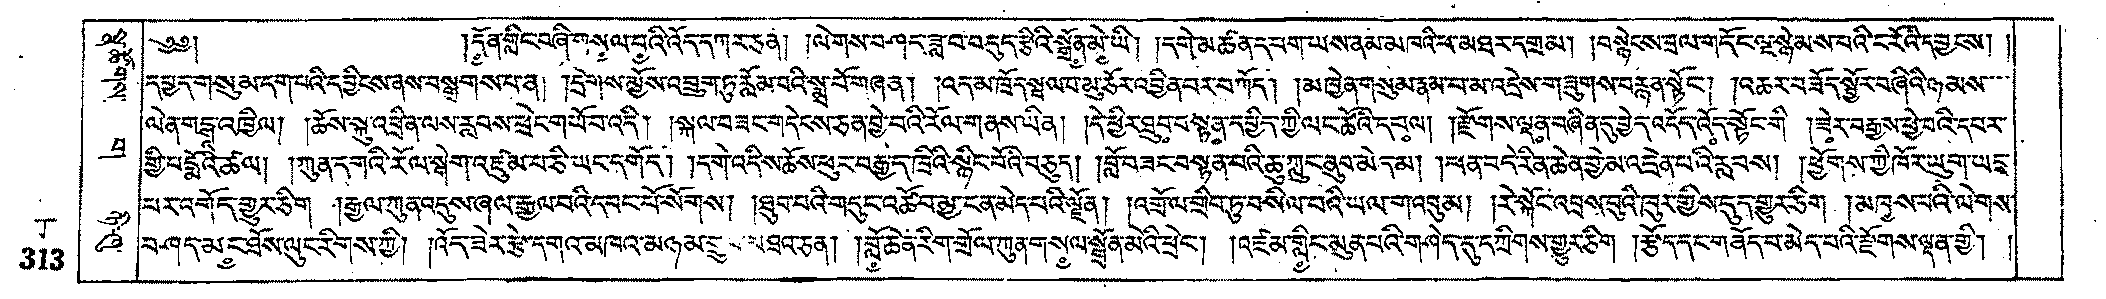༄༅། །དོན྾་གླིང་བཞི་གསལ྾་བའི྾་འོད་དཀར་ཅན། །ལེགས་བཤད་ཟླ་བ་བདུད་རྩིའི་སྒྲོན྾་མེ྾་ཡི། །དགེ་མཚན་དཔག་ཡས་ནམ་མཁའི་ཕ་མཐར་དགྲམ། །བསྙེངས་བྲལ་གདོང་ལྔ་སྙེམས་པའི་ང་རོའི་དབྱངས། །
དཔྱད་གསུམ་དག་པའི་དབྱིངས་ནས་བསྒྲགས་པ་ན། །དྲེགས་མྱོས་འབྲུག་ཏུ་རློམ་པའི་སྨྲ་པོ་གཞན། །འདམ་ཁྲོད་སྦལ་པ་མུ་ཅོར་འབྱིན་པར་བཀོད། །མཁྱེན་གསུམ་རྣམ་པ་མ་འདྲེས་གཟུགས་བརྙན་སྟོང་། །འཆར་བཟོད་སྦྱོར་བཞིའི་ཉམྶ་་་
ལེན་གངྒཱ་འཁྱིལ། །ཆོས་སྐུ་འཕྲིན་ལས་རླབས་ཕྲེང་གཡོ་བ་འདི། །སྐལ་བཟང་གདེངས་ཅན་བྱེ་བའི་རོལ་གནས་ཡིན། །དེ་ཕྱིར་ཐུབ྾་བསྟན྾་དཔྱིད་ཀྱི་ལང་ཚོའི་དཔལ྾། །རྫོགས་ལྡན྾་བཞིན་དུ་བྱེད་འདོད་འོད྾་སྟོང་གི །ཟེར྾་བརྒྱས་ཕྱེ་བའི་དཔར་་་
གྱི་པདམོའི་ཚལ། །ཀུན་དགའི་རོལ་སྒེག་འཛུམ་པ་ཅི་ཡང་དགོད། །དགེ་འདིས་ཆོས་ཕུང་བརྒྱད་ཁྲིའི་སྙིང་པོའི་བཅུད། །བློ་བཟང་བསྟན་པའི་ཆུ་ཀླུང་ནུབ་མེད་མ། །ཕན་བདེ་རིན་ཆེན་བྱེ་མ་འདྲེན་པའི་རླབས། །ཕྱོགས་ཀྱི་ཁོར་ཡུག་ཡངས་
པར་འགོད་གྱུར་ཅིག །རྒྱལ་ཀུན་འདུས་ཞལ་རྒྱལ་བའི་དབང་པོ་སོགས། །ཐུབ་པའི་གདུང་འཚོབ་མྱ་ངན་མེད་པའི་ལྗོན། །འགྲོ་ལ་གྲིབ་ཏུ་བསིལ་བའི་ཡལ་ག་འབུམ། །རེ་སྐོང་འབྲས་བུའི་ཁུར་གྱིས་དུད་གྱུར་ཅིག །མཁས྾་པའི་ལེགས་
བཤད་མང྾་ཐོས་ལུང་རིགས་ཀྱི། །འོད་ཟེར་རྩེ་དགའ་མཁའ་མཉམ་གྲུབ་མཐའ་ཅན། །བློ྾་ཆེན་རིག་གྲོལ་ཀུན་གསལ྾་སྒྲོན་མེའི་ཕྲེང་། །འཛམ་གླིང྾་མུན་པའི་གཤེད་དུ་དཀྲིགས་གྱུར་ཅིག །རྩོད་དང་གནོད་པ་མེད་པའི་རྫོགས་ལྡན་གྱི། །